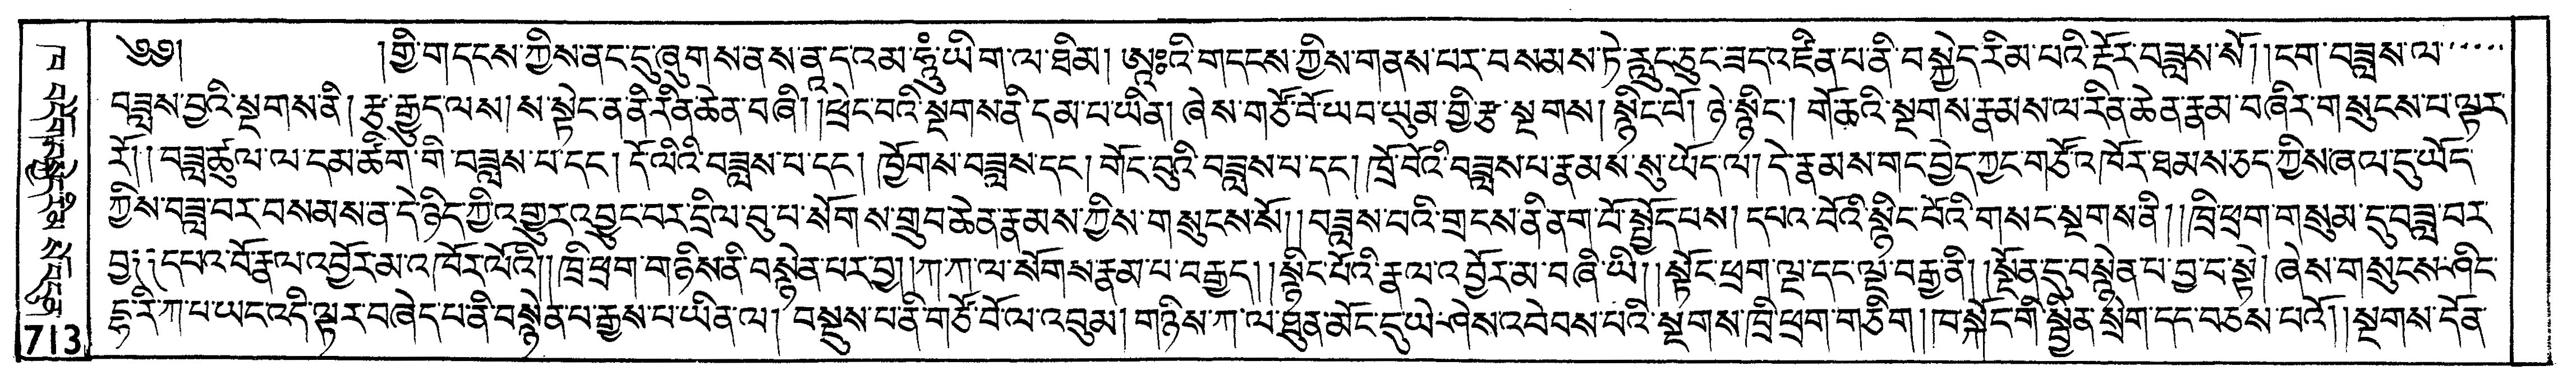༄༅། །གྱི་གདངས་ཀྱིས་ནང་དུ་ཞུགས་ནས་ནཱ་ད་འམ་ཧཱུཾ་ཡིག་ལ་ཐིམ། ཨཱཿའི་གདངས་ཀྱིས་གནས་པར་བསམས་ཏེ་རླུང་ཅུང་ཟད་འཛིན་པ་ནི་བསྐྱེད་རིམ་པའི་རྡོར་བཟླས་སོ། །ངག་བཟླས་ལ་
བཟླས་བྱའི་སྔགས་ནི། རྩ་རྒྱུད་ལས། ས་སྟེང་ན་ནི་རིན་ཆེན་བཞི། །ཕྲེང་བའི་སྔགས་ནི་དམ་པ་ཡིན། ཞེས་གཙོ་བོ་ཡབ་ཡུམ་གྱི་རྩ་སྔགས། སྙིང་པོ། ཉེ་སྙིང་། གོ་ཆའི་སྔགས་རྣམས་ལ་རིན་ཆེན་རྣམ་བཞིར་གསུངས་པ་ལྟར་
རོ། །བཟླ་ཚུལ་ལ་དམ་ཚིག་གི་བཟླས་པ་དང་། དོ་ལིའི་བཟླས་པ་དང་། ཁྱོགས་བཟླས་དང་། གོང་བུའི་བཟླས་པ་དང་། ཁྲོ་བོའི་བཟླས་པ་རྣམས་སུ་ཡོད་ལ། དེ་རྣམས་གང་བྱེད་ཀྱང་གཙོ་འཁོར་ཐམས་ཅད་ཀྱིས་ཞལ་དུ་ཡོད་
ཀྱིས་བཟླ་བར་བསམས་ན་དེ་ཉིད་ཀྱི་འགྱུར་འབྱུང་བར་དྲིལ་བུ་པ་སོགས་གྲུབ་ཆེན་རྣམས་ཀྱིས་གསུངས་སོ། །བཟླས་པའི་གྲངས་ནི་ནག་པོ་སྤྱོད་པས། དཔའ་བོའི་སྙིང་པོའི་གསང་སྔགས་ནི། །ཁྲི་ཕྲག་གསུམ་དུ་བཟླ་བར་
བྱ། །དཔའ་བོ་རྣལ་འབྱོར་མ་འཁོར་ལོའི། །ཁྲི་ཕྲག་གཉིས་ནི་བསྙེན་པར་བྱ། །ཀ་ཀ་ལ་སོགས་རྣམ་པ་བརྒྱད། །སྙིང་པོའི་རྣལ་འབྱོར་མ་བཞི་ཡི། །སྟོང་ཕྲག་ལྔ་དང་ལྔ་བརྒྱ་ནི། །སྔོན་དུ་བསྙེན་པ་བྱ་བ་སྟེ། ཞེས་གསུངས་ཤིང་
དྷ་རི་ཀ་པ་ཡང་འདི་ལྟར་བཞེད་པ་ནི་བསྙེན་པ་རྒྱས་པ་ཡིན་ལ། བསྡུས་པ་ནི་གཙོ་བོ་ལ་འབུམ། གཉིས་ཀ་ལ་ཐུན་མོང་དུ་ཡེ་ཤེས་འབེབས་པའི་སྔགས་ཁྲི་ཕྲག་གཅིག །ཁ་སྐོང་གི་སྦྱིན་སྲེག་དང་བཅས་པའོ། །སྔགས་དོན་